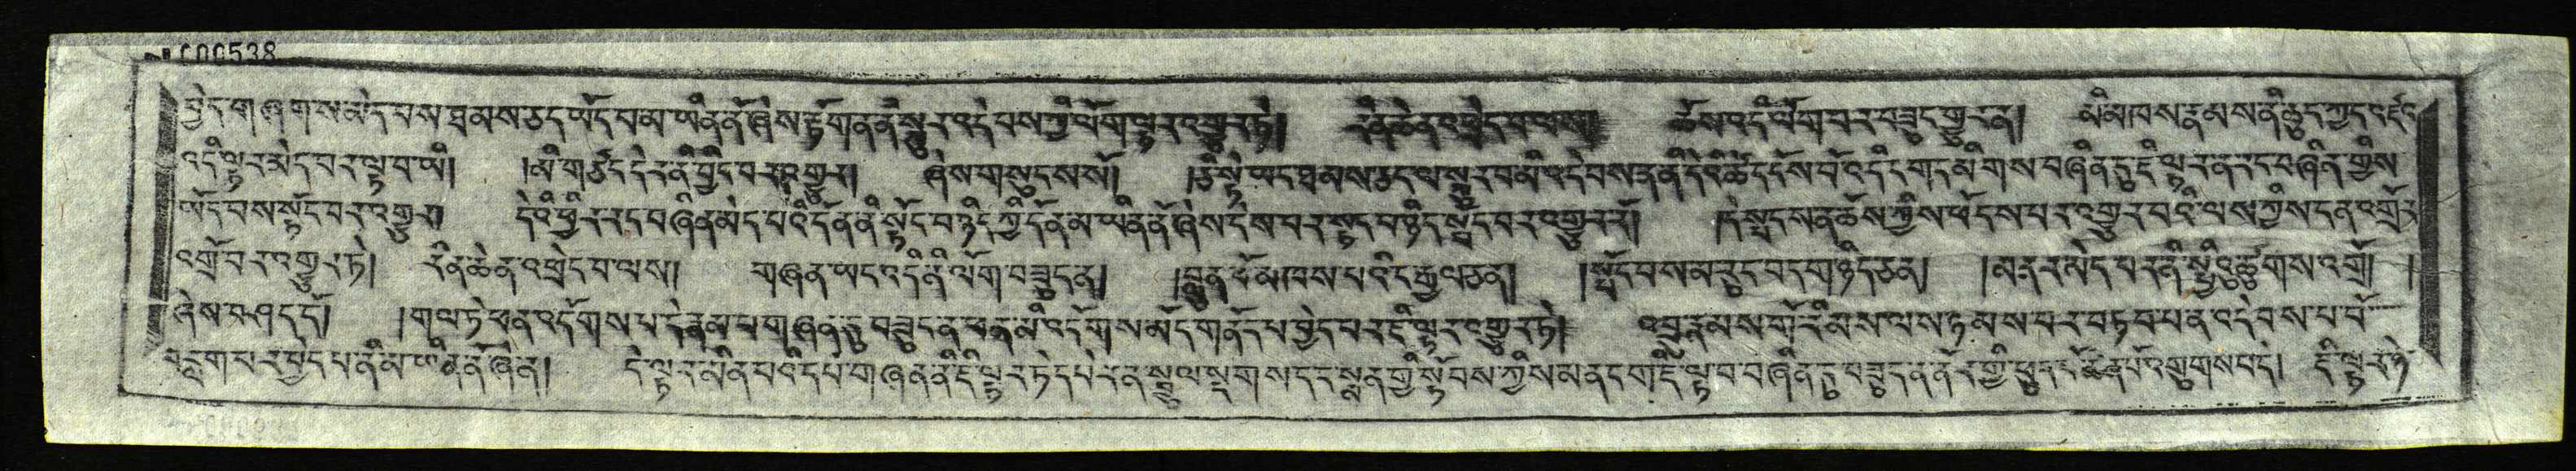བྱེད་གཞགས་མེད་པས་ཐམས་ཅད་ཡོད་པ་མ་ཡིན་ནོ་ཞེས་རྟོག་ན་ནི་སྐུར་འདེབས་ཀྱི་ལོག་ལྟར་འགྱུར་ཏེ། རིན་ཆེན་འཕྲེང་བ་ལས། ཆོས་འདི་ལོག་པར་བཟུང་གྱུར་ན། མི་མཁས་རྣམས་ནི་ཆུད་ཀྱང་འཛའ་
འདི་ལྟར་མེད་པར་ལྟ་བ་ཡི། །མི་གཙང་དེར་ནི་བྱིང་བར་འགྱུར། ཞེས་གསུངས་སོ། །ཅི་སྟེ་ཡང་ཐམས་ཅད་ལ་སྐུར་བ་མི་འདེབས་ན་ནི་དེའི་ཚེ་དངོས་པོ་འདི་དག་དམིགས་བཞིན་དུ་ཇི་ལྟར་ན་རང་བཞིན་གྱིས་
ཡོད་པས་སྟོང་བར་འགྱུར། དེའི་ཕྱིར་རང་བཞིན་མེད་པའི་དོན་ནི་སྟོང་པ་ཉིད་ཀྱི་དོན་མ་ཡིན་ནོ་ཞེས་ངེས་པར་སྟོང་པ་ཉིད་སྤོང་བར་འགྱུར་རོ། །དེ་སྤངས་ན་ཆོས་ཀྱིས་ཕོངས་པར་འགྱུར་བའི་ལས་ཀྱིས་ངན་འགྲོར་
འགྲོ་བར་འགྱུར་ཏེ། རིན་ཆེན་འཕྲེང་བ་ལས། གཞན་ཡང་འདི་ནི་ལོག་བཟུང་ན། །བླུན་པོ་མཁས་པའི་ང་རྒྱལ་ཅན། །སྤོང་བས་མ་རུང་བདག་ཉིད་ཅན། །མནར་མེད་པར་ནི་སྤྱིའུ་ཚུགས་འགྲོ། །
ཞེས་བཤད་དོ། །གལ་ཏེ་ཕན་འདོགས་པ་དེ་རྣམ་པ་གཞན་དུ་བཟུང་ན་ཕན་མི་འདོགས་མོད་གནོད་པ་བྱེད་པར་ཇི་ལྟར་འགྱུར་ཏེ། འབྲུ་རྣམས་གོ་རིམས་ལས་ཉམས་པར་བཏབ་པ་ན་འདེབས་པ་པོ་
བརླག་པར་བྱེད་པ་ནི་མ་ཡིན་ནོ་ཞེ་ན། དེ་ལྟར་མིན་པའི་དཔེ་གཞན་ནི་ཇི་ལྟར་ཏེ་དཔེར་ན་སྦྲུལ་སྔགས་དང་སྨན་གྱི་སྟོབས་ཀྱིས་མན་ངག་ཇི་ལྟ་བ་བཞིན་དུ་བཟུང་ན་ནོར་གྱི་ཕུང་པོ་ཆེན་པོ་འགུགས་པ་དེ། ཇི་ལྟར་ཉེ་